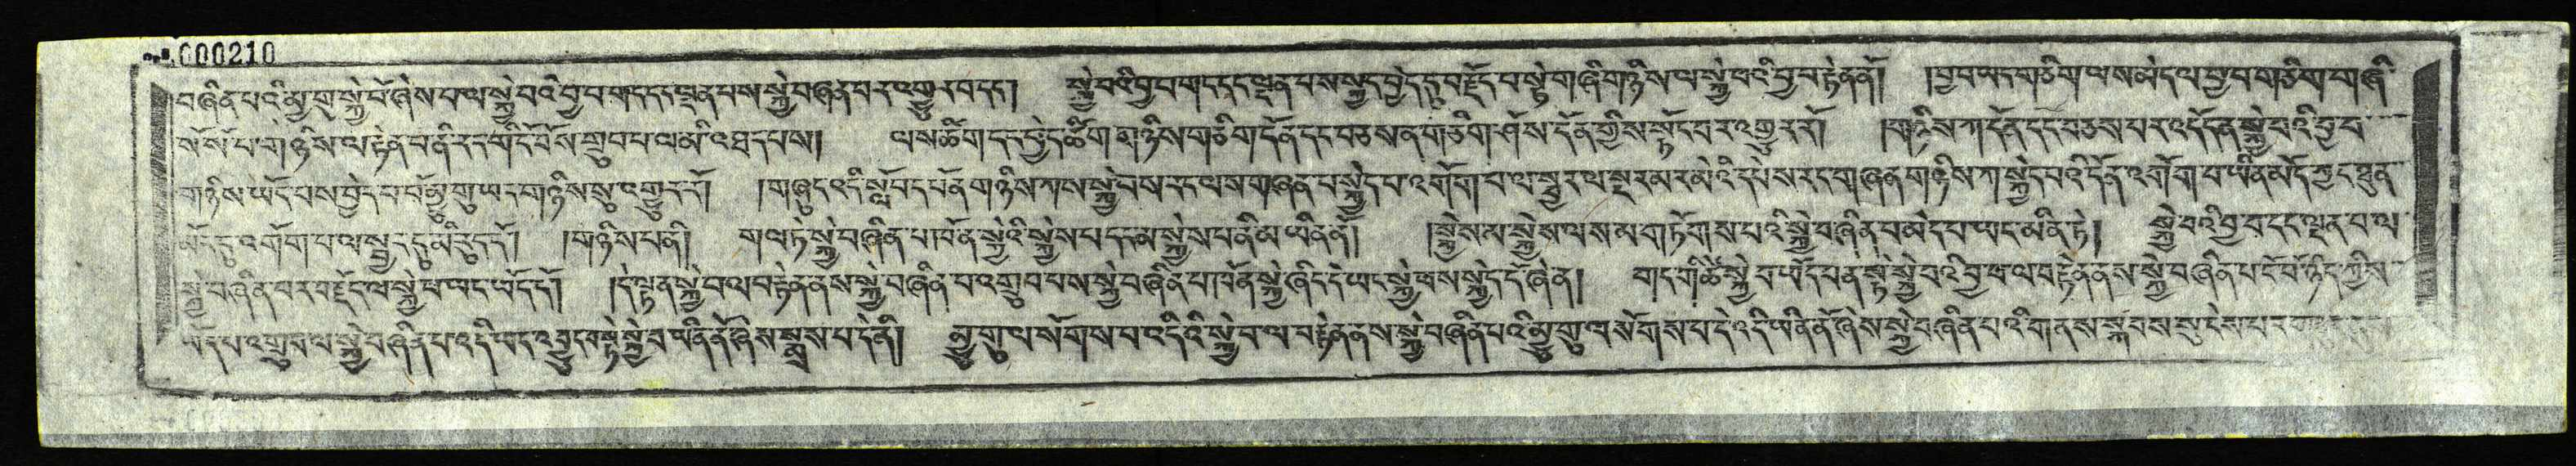བཞིན་པའི་མྱུ་གུ་སྐྱེ་བོ་ཞེས་པ་ལ་སྐྱེ་བའི་བྱ་བ་གང་དང་ལྡན་པས་སྐྱེ་བཞིན་པར་འགྱུར་བ་དང་། སྐྱེ་བའི་བྱ་བ་གང་དང་ལྡན་པས་སྐྱེད་བྱེད་དུ་བརྗོད་པ་སྟེ་གཞི་གཉིས་ལ་སྐྱེ་བའི་བྱ་བ་རྟེན་ནོ། །བྱ་བ་ཡང་གཅིག་ལས་མེད་ལ་བྱ་བ་གཅིག་གཞི་
སོ་སོ་པ་གཉིས་ལ་རྟེན་པ་ནི་རང་གི་ངོ་བོས་གྲུབ་པ་ལ་མི་འཐད་པས། ལས་ཚིག་དང་ཕྱེད་ཚིག་གཉིས་གཅིག་དོན་དང་བཅས་ན་གཅིག་ཤོས་དོན་གྱིས་སྟོང་བར་འགྱུར་རོ། །གཉིས་ཀ་དོན་དང་བཅས་པར་འདོད་ན་སྐྱེ་བའི་བྱ་བ་
གཉིས་ཡོད་པས་བྱེད་པ་པོ་མྱུ་གུ་ཡང་གཉིས་སུ་འགྱུར་རོ། །གཞུང་འདི་སློབ་དཔོན་གཉིས་ཀས་སྐྱེ་བས་རང་ལས་གཞན་པ་སྐྱེད་པ་འགོག་པ་ལ་སྦྱར་ལ་སྔར་མར་མེའི་དཔེས་རང་གཞན་གཉིས་ཀ་སྐྱེད་པའི་དོན་འགོག་པ་ཡིན་མོད་ཀྱང་ཐུན་
མོང་དུ་འགོག་པ་ལ་སྦྱང་དུ་མི་རུང་ངོ། །གཉིས་པ་ནི། གལ་ཏེ་སྐྱེ་བཞིན་པ་ཁོ་ན་སྐྱེའི་སྐྱེས་པ་དང་མ་སྐྱེས་པ་ནི་མ་ཡིན་ནོ། །སྐྱེས་མ་སྐྱེས་ལས་མ་གཏོགས་པའི་སྐྱེ་བཞིན་པ་མེད་པ་ཡང་མིན་ཏེ། སྐྱེ་བའི་བྱ་བ་དང་ལྡན་པ་ལ་
སྐྱེ་བཞིན་བར་བརྗོད་ལ་སྐྱེ་བ་ཡང་ཡོད་དོ། །དེ་ལྟ་ན་སྐྱེ་བ་ལ་བརྟེན་ནས་སྐྱེ་བཞིན་པ་འགྲུབ་པས་སྐྱེ་བཞིན་པ་ཁོ་ན་སྐྱེ་ཞིང་དེ་ཡང་སྐྱེ་ལས་སྐྱེད་དོ་ཞེ་ན། གང་གི་ཚེ་སྐྱེ་བ་ཡོད་པ་ན་སྟེ་སྐྱེ་བའི་བྱ་བ་ལ་བརྟེན་ནས་སྐྱེ་བཞིན་པ་ངོ་བོ་ཉིད་ཀྱིས་
ཡོད་པ་འགྲུབ་ལ་སྐྱེ་བཞིན་པ་འདི་ཡང་འབྱུང་བ་སྟེ་སྐྱེ་བ་ཡིན་ནོ་ཞེས་སྨྲ་པ་དེ་ནི། མྱུ་གུ་ལ་སོགས་པ་འདིའི་སྐྱེ་བ་ལ་བརྟེན་ནས་སྐྱེ་བཞིན་པའི་མྱུ་གུ་ལ་སོགས་པ་དེ་འདི་ཡིན་ནོ་ཞེས་སྐྱེ་བཞིན་པའི་གནས་སྐབས་སུ་ངེས་པར་གཟུང་ནུས་